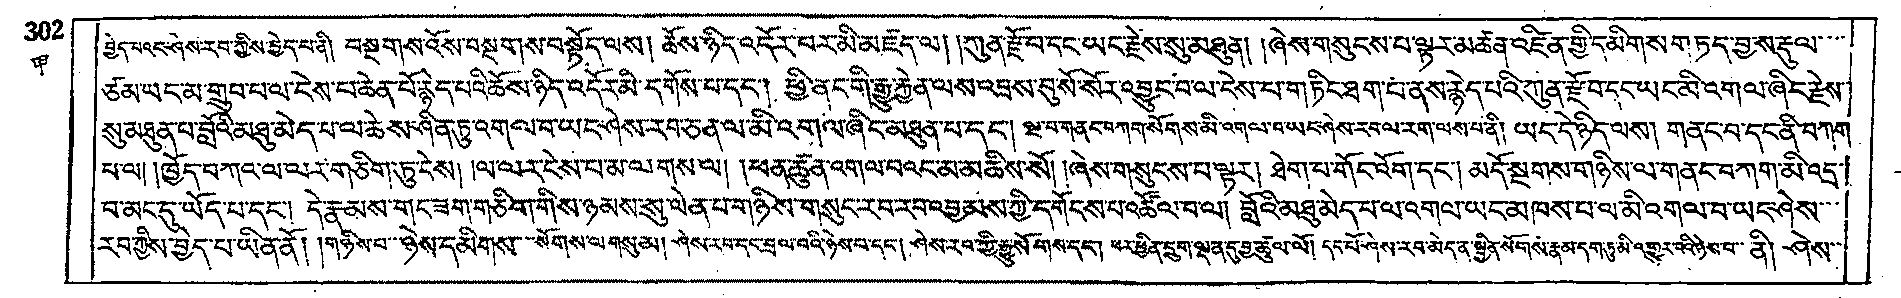བྱེད་པའང་ཤེས་རབ་ཀྱིས་བྱེད་པ་ནི། བསྔགས་འོས་བསྔགས་བསྟོད་ལས། ཆོས་ཉིད་འདོར་བར་མི་མཛད་ལ། །ཀུན་རྫོབ་དང་ཡང་རྗེས་སུ་མཐུན། །ཞེས་གསུངས་པ་ལྟར་མཚན་འཛིན་གྱི་དམིགས་གཏད་བྱ་ས་རྡུལ་
ཙམ་ཡང་མ་གྲུབ་པ་ལ་ངེས་པ་ཆེན་པོ་རྙེད་པའི་ཆོས་ཉིད་འདོར་མི་དགོས་པ་དང་། ཕྱི་ནང་གི་རྒྱུ་རྐྱེན་ལས་འབྲས་བུ་སོ་སོར་འབྱུང་བ་ལ་ངེས་པ་གཏིང་ཐག་པ་ནས་རྙེད་པའི་ཀུན་རྫོབ་དང་ཡང་མི་འགལ་ཞིང་རྗེས་
སུ་མཐུན་པ་བློའི་མཐུ་མེད་པ་ལ་ཆེས་ཤིན་ཏུ་འགལ་བ་ཡང་ཤེས་རབ་ཅན་ལ་མི་འགལ་ཞིང་མཐུན་པ་དང་། ལྔ་པ་གནང་བཀག་སོགས་མི་འགལ་བ་ཡང་ཤེས་རབ་ལ་རག་ལས་པ་ནི།  ཡང་དེ་ཉིད་ལས། གནང་བ་དང་ནི་བཀག་
པ་ལ། །ཁྱོད་བཀའ་ལ་ལར་གཅིག་ཏུ་ངེས། །ལ་ལར་ངེས་པ་མ་ལགས་ལ། །ཕན་ཚུན་འགལ་བའང་མ་མཆིས་སོ། །ཞེས་གསུངས་པ་ལྟར། ཐེག་པ་གོང་འོག་དང་། མདོ་སྔགས་གཉིས་ལ་གནང་བཀག་མི་འདྲ་
བ་མང་དུ་ཡོད་པ་དང་། དེ་རྣམས་གང་ཟག་གཅིག་གིས་ཉམས་སུ་ལེན་པ་གཉིས་གསུང་རབ་རབ་འབྱམས་ཀྱི་དགོངས་པ་འཚོལ་བ་ལ། བློའི་མཐུ་མེད་པ་ལ་འགལ་ཡང་མཁས་པ་ལ་མི་འགལ་བ་ཡང་ཤེས་
རབ་ཀྱིས་བྱེད་པ་ཡིན་ནོ། །གཉིས་པ་ཉེས་དམིགསསོགས་ལ་གསུམ། ཤེས་རབ་དང་བྲལ་བའི་ཉེས་པ་དང་། ཤེས་རབ་ཀྱི་རྒྱུ་སོགས་དང་། ཕར་ཕྱིན་དྲུག་ལྡན་དུ་བྱ་ཚུལ་ལོ། །དང་པོ་ཤེས་རབ་མེད་ན་སྦྱིན་སོགས་རྣམ་དག་ཏུ་མི་འགྱུར་བའི་ཉེས་པ་ནི། ཤེས་